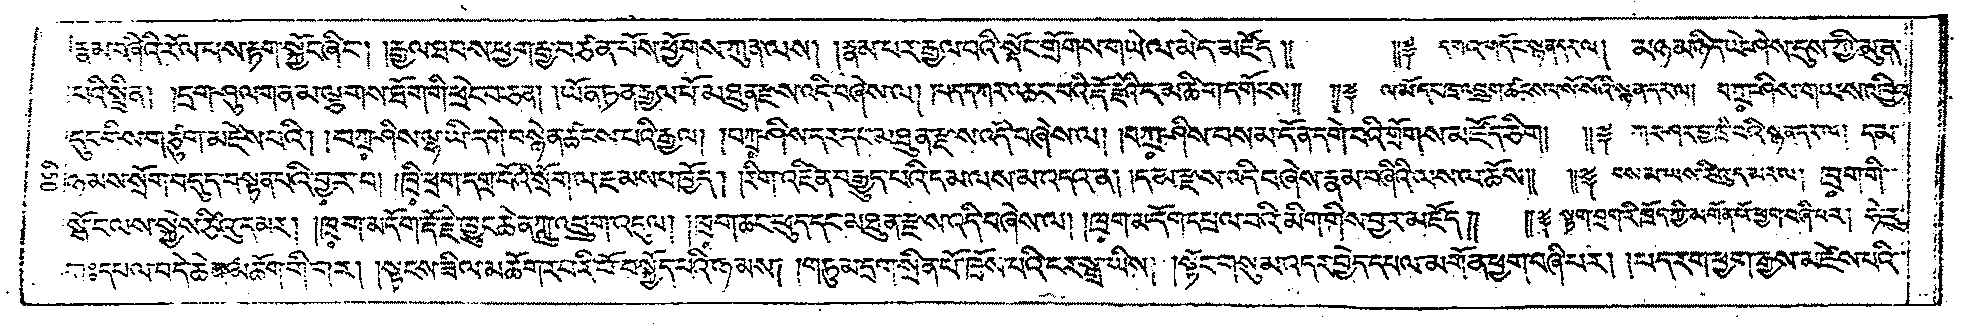རྣམ་བཞིའི་རོལ་པས་རྟག་སྐྱོང་ཞིང་། །རྒྱལ་ཐབས་ཕྱག་རྒྱ་བཙན་པོས་ཕྱོགས་ཀུན་ལས། །རྣམ་པར་རྒྱལ་བའི་སྡོང་གྲོགས་གཡེལ་མེད་མཛོད།། །། ༈ དགའ་གདོང་སྙན་དར་ལ།  མཉམ་ཉིད་ཡེ་ཤེས་དུས་ཀྱི་མུན་
པའི་སྤྲིན། །དྲག་ཤུལ་གནམ་ལྕགས་ཐོག་གི་ཕྲེང་བ་ཅན། །ཡོན་ཏན་རྒྱ་པོ་མཐུན་རྫས་འདི་བཞེས་ལ། །པད་དཀར་འཆང་བའི་རྡོ་རྗེའི་དམ་ཚིག་དགོངས།། །། ༈ ལ་མོ་དང་ཁྲ་འབྲུག་ཚངས་པ་སོ་སོའི་སྙན་དར་ལ།  བཀྲ྾་ཤིས་གཡས་འཁྱིལ་
དུང་གིས་གཙུག་མཛེས་པའི། །བཀྲ྾་ཤིས་ལྷ་ཡི་དགེ་བསྙེན་ཚངས་པའི་རྒྱལ། །བཀྲ྾་ཤིས་དར་དང་མཐུན་རྫས་འདི་བཞེས་ལ། །བཀྲ྾་ཤིས་བསམ་དོན་དགེ་བའི་གྲོགས་མཛོད་ཅིག ། །། ༈ ཀར་ཤར་བྱ་ཁྲི་བའི་སྙན་དར་ལ།  དམ་
ཉམས་སྲོག་བདུད་བསྟན་པའི་བྱར྾་བ། །ཁྲི྾་ཕྲག་དགྲ་བོའི་སྲོག་ལ་རྔམས་པ་ཁྱོད། །རིག་འཛིན་བརྒྱུད་པའི་དམ་ལས་མ་འདའ་ན། །དམ་རྫས་འདི་བཞེས་རྣམ་བཞིའི་ལས་ལ་ཆོས།། །། ༈ བསམ་ཡས་ཙིའུ་དམར་ལ།  ཁྲག྾་གི་
སྒོ་ང་ལས་སྐྱེས་ཙིའུ་དམར། །ཁྲག྾་མདོག་རྡོ་རྗེ་ཁྱུང་ཆེན་ཀླུ་འབྲུག་འདུལ། །ཁྲག྾་ཆང་ཕུད་དང་མཐུན་རྫས་འདི་བཞེས་ལ། །ཁྲག྾་མདོག་དཔྲལ་བའི་མིག་གིས་བྱ་ར་མཛོད།། །། ༈ སྟག་བྲག་རི་ཁྲོད་ཀྱི་མགོན་པོ་ཕྱག་བཞི་པར།  ཧེ་རུ་
ཀཿ དཔལ་བདེ་ཆེན་མཆོག་གི་གར། །སྟངས་ཟིལ་མཆོག་རབ་རི་བོ་བསྐྱོད་པའི་ཉམས། །གཏུམ་དྲག་སྲིན་པོ་ཁྲོས་པའི་ངར་སྒྲ་ཡིས། །སྟོང་གསུམ་འདར་བྱེད་དཔལ་མགོན་ཕྱག་བཞི་པར། །པད་རག་ཕྱག་རྒྱས་མཛེས་པའི་